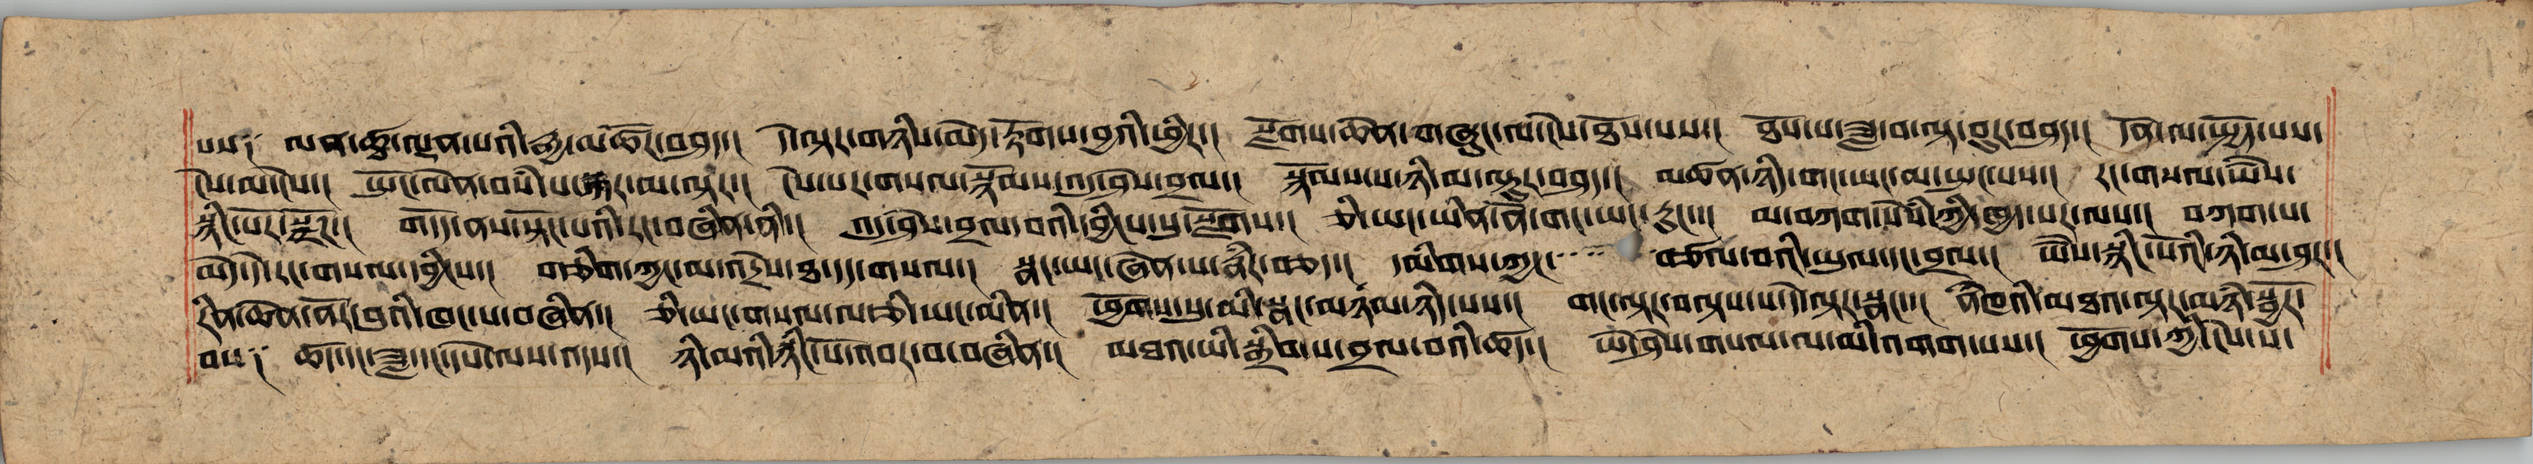པས༑ ལན་ཚྭ་ལྡན་པའི་རྒྱ་མཚོར་བཤད་། དེ་ལྟར་གཉིས་མེད་རྟོགས་བྱའི་ཕྱིར་། སྫོགས་ཆེན་གཞུང་ལ་ངེས་ཐོས་པས་། ཐོས་པ་ཟླ་བ་ལྟར་བུར་བཤད་། དོན་ལ་སྤྱོད་པས་
ངེས་མ་ངེས་། སྤོང་ལེན་བསཾ་པ་སྐར་མ་ལྟར་། ངེས་པར་གསལ་སྙོམས་འདུ་ཤེས་བྲལ་། སྙོམས་པ་ཉི་མ་ལྟུར་བཤད་། མཚན་ཉིད་གང་ཡང་མ་སྤང་པས་། རང་གསལ་ཡཻས་
སྙིང་པོར་སྫོཌ་། གདོད་ནས་སྟོང་པའི་རང་བཞིན་ནི་། འདུ་ཤེས་བྲལ་བའི་དབྱིངས་སུ་སྫོགས་། ཅི་ཡང་ཡིན་ནོ་གང་ཡང་རླུང་་། མ་བཀག་སེཾས་ཀྱི་ཁྱད་པར་ལས་། བཀག་པ་
མེད་དེ་རང་གསལ་དབྱིངས་། གཅིག་ཀྱང་མ་འདྲེས་ཐ་དད་གསལ་། སྣང་ཡང་ཞེན་པ་རྣཾར་བཅད་། དམིགས་ཀྱང་་་་བཙལ་བའི་ཡུལ་དང་བྲལ་། ཡཻས་སྙིང་པོའི་ཉི་མ་ཤར་།
རིན་ཆེན་ནོར་བུའི་ཁང་པ་བཞིན་། ཅི་ཡང་གསལ་ལ་ཅི་ཡང་མིན་། ཕྱོགས་སུ་མི་སྣང་མཉམ་ཉིད་པས་། གང་ལྟར་བལྟས་པ་དེ་ལྟར་སྣང་་། ནཾཁའི་མཐའ་ལྟར་མཉཾ་སྦྱོར་
བས༑ ཚད་དང་ཟླ་དང་དཔེ་ལས་འདས་། ཉི་མའི་སྙིང་པོ་འབར་བ་བཞིན་། མཐའ་ཡི་སྒྲིབ་པ་བྲལ་བའི་ཚད་། ཡེ་ཤེས་གསལ་ལ་མི་འགག་པས་། ཕྱོགས་ཀྱི་ངེས་པ་